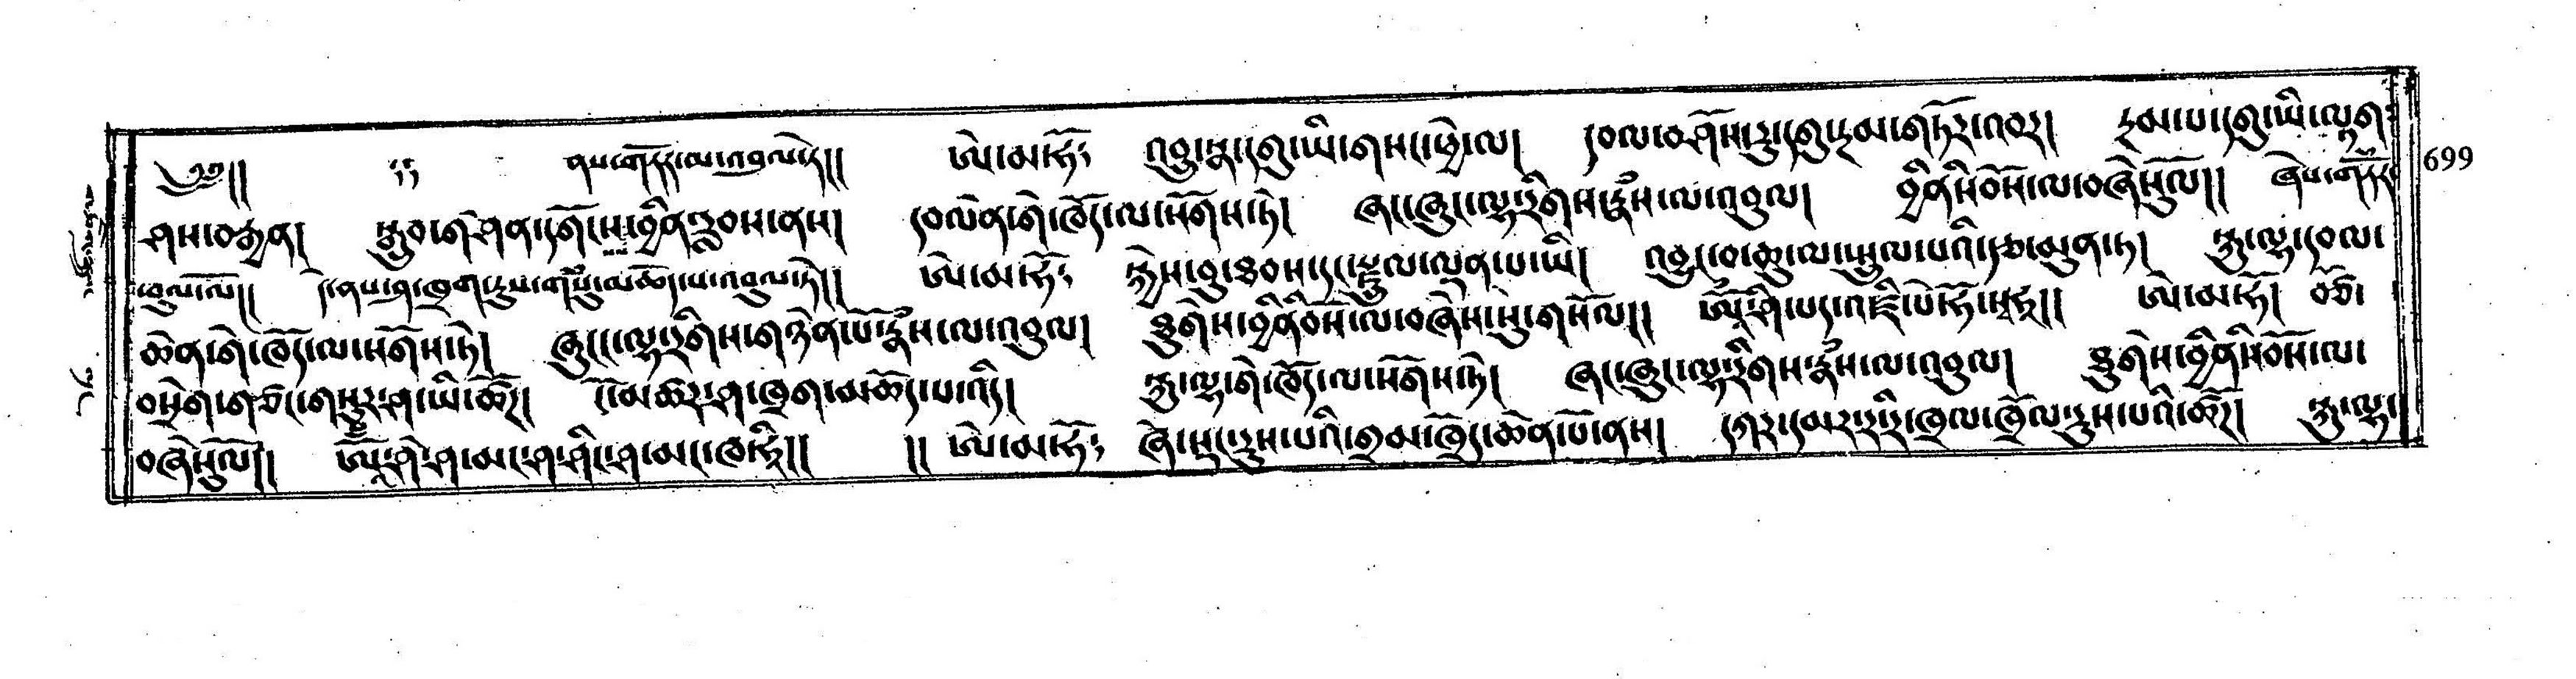ནས་གཏོར་མ་འབུལ་ཏེ།། ཨེ་མ་ཧོ འབྲུ་སྣ་དགུ་ཡི་གསང་ཕྱེ་ལ། དབལ་བཤོས་རུ་དགུ་རྔམ་གཏོར་འབར། རྔམ་པ་དགུ་ཡི་ལྟག་
ཤས་བརྒྱན། སྒྲུབ་གཤེན་དགོངས་པས་བྱིན་རླབས་ནས། དབལ་ཆེན་གེ་ཁོད་ལ་སོགས་ཏེ། ཞང་ཞུང་ལྷ་རིགས་རྣམས་ལ་འབུལ། བྱིན་གྱིས་རློབས་ལ་བཞེས་སུ་གསོལ།། ཞེས་གཏོར་མ་
ཕུལ་ལོ།། དེ་ནས་ཤ་ཁྲག་རུས་གསུམ་མཆོད་པ་འབུལ་ཏེ།། ཨེ་མ་ཧོ སྐྱེས་བུ་ཐབས་དང་རྫུ་འཕྲུལ་ལྡན་པ་ཡི། འབྱུང་བ་ཆུ་ལ་སྤྲུལ་པའི་རྩ་མུན་ཏ། སྐུ་ལྷ་དབལ་
ཆེན་གེ་ཁོད་ལ་སོགས་ཏེ། ཞང་ཞུང་ལྷ་རིགས་གཉེན་པོ་རྣམས་ལ་འབུལ། ཐུགས་རྗེ་བྱིན་གྱིས་རློབས་ལ་བཞེས་སུ་གསོལ།། ཨཱོཾ་ཤི་པད་འཛི་པེ་ཧོ་སྭཧཱ།། ཨེ་མ་ཧོ། བཙོ་
བསྲེག་གཙང་གསུར་ཤ་ཡི་ཚོགས། ངོ་མཚར་ཤ་ཁྲག་མཆོད་པ་འདི། སྐུ་ལྷ་གེ་ཁོད་ལ་སོགས་ཏེ། ཞང་ཞུང་ལྷ་རིགས་རྣམས་ལ་འབུལ། ཐུགས་རྗེ་བྱིན་གྱིས་རློབས་ལ་
བཞེས་སུ་གསོལ།། ཨཱོཾ་ཤེ་ཤ་མང་ཤ་ཤིང་ཤ་མང་ཁ་ཧཱི།། །།ཨེ་མ་ཧོ ཞེ་སྡང་རུས་པའི་གྲམ་ཁྲོད་ཆེན་པོ་ནས། དཀར་དམར་ར་རི་ཁྲལ་ཁྲོལ་རུས་པའི་ཚོགས། སྐུ་ལྷ་